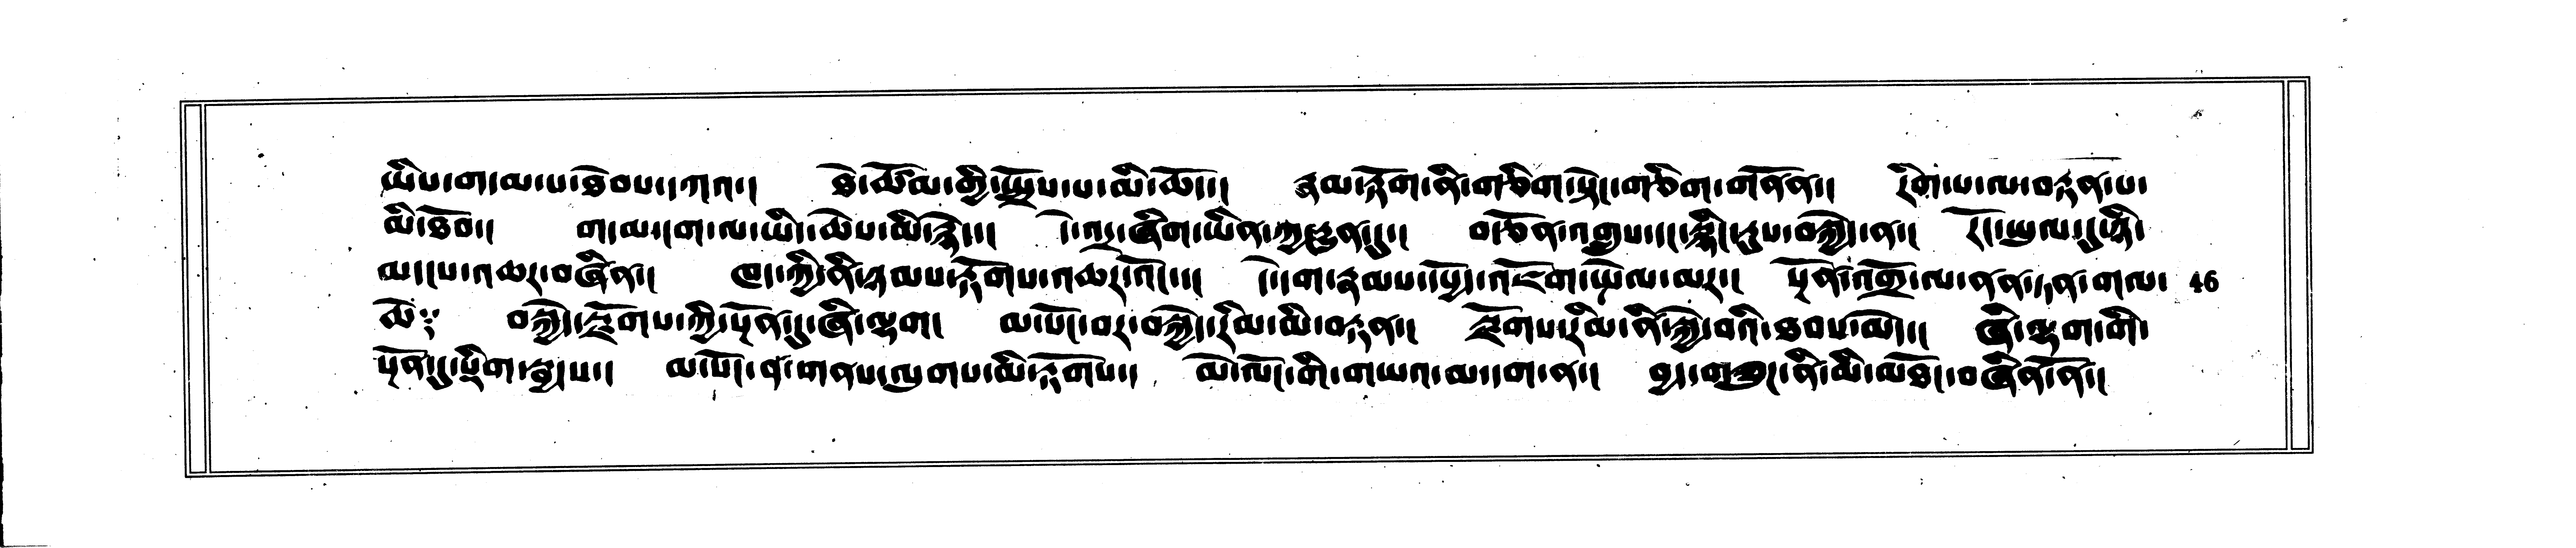ཡིས་གདམ་པ་ཐེབས་དཀའ། །ཐེ་ཚོམ་གྱི་སྤྲོས་པ་མི་ཆོད། །རྣམ་རྟོག་ནི་གཅིག་སྟེང་གཅིག་གནོན། །རིག་པ་ལ་བརྟན་པ་
མི་ཐོབ། །གདམ་ངག་ལ་ཡིད་ཆེས་མི་རྙེད། །དེ་འདྲ་ཞིག་ཡིན་ཀྱང་རྒྱུན་དུ། །བརྩོན་འགྲུས་དང་སྙིང་རུས་བསྐྱེད་ན། །རོང་ཡུལ་དུ་ཉི་
མདངས་འཆར་བཞིན། །ཁད་ཀྱི་ནི་ཉམས་རྟོགས་འཆར་འོང་། །དེ་དག་རྣམས་དཔྱོད་འཇོག་སྤེལ་མར། །སྔོན་འགྲོ་ལ་ནན་ཏན་གལ་
ཆེ། །བསྐྱེད་རྫོགས་ཀྱི་སྔོན་དུ་ཞི་ལྷག །མ་སོང་བར་བསྐྱེད་རིམ་མི་བརྟན། །རྫོགས་རིམ་ནི་སྐྱེ་བའི་ཐབས་མེད། །ཞི་ལྷག་གི་
སྔོན་དུ་སྡིག་སྦྱངས། །མ་སོང་ན་གནས་ལུགས་མི་རྟོགས། །མེ་ལོང་གི་གཡའ་མ་དག་ན། །བྱད་གཟུགས་ནི་མི་མཐོང་བཞིན་ནོ། །